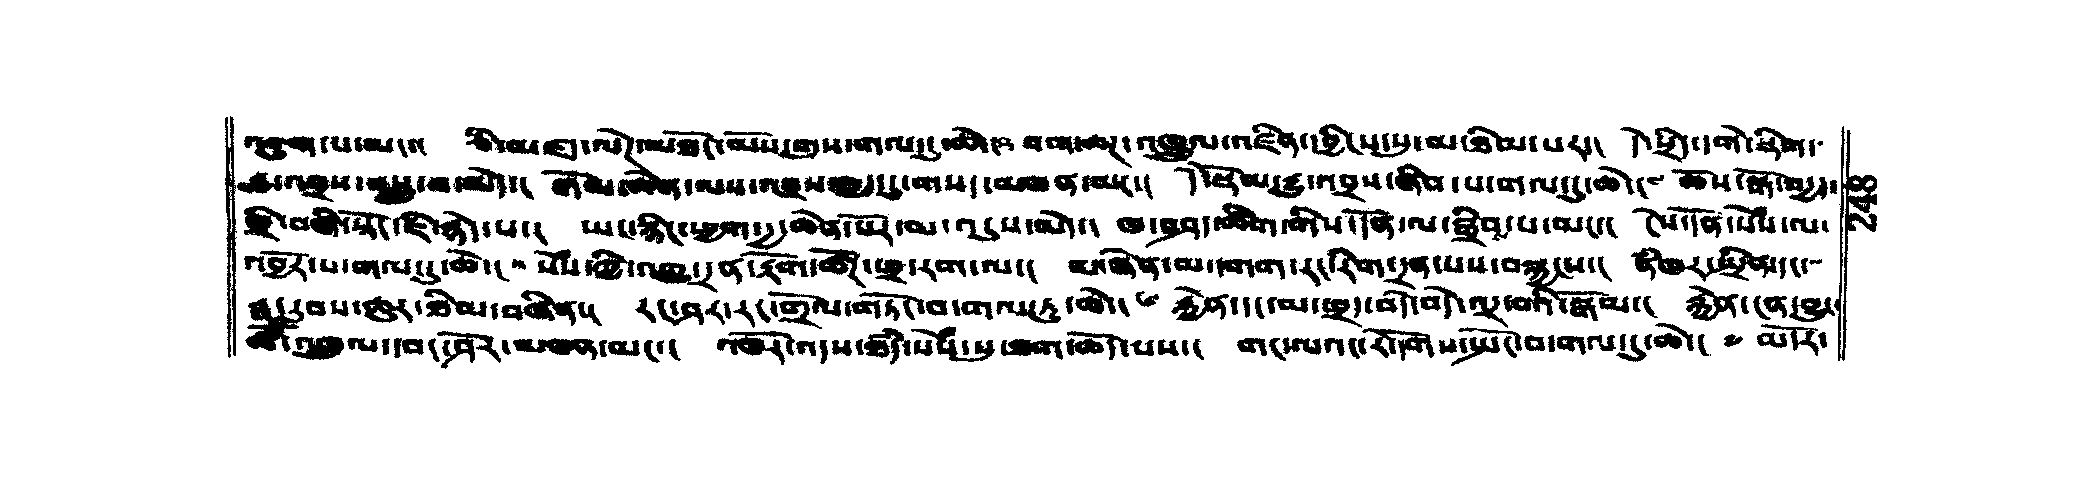འཇུག་པ་མང་། །ཅི་མཛད་ལེགས་མཐོང་མོས་གུས་གལ་དུ་ཆེ།༣ །བག་ཆགས་འཁྲུལ་འཛིན་དབྱིངས་སུ་མ་ཐིམ་པར། །དེ་སྲིད་དགེ་སྡིག་
རྒྱུ་འབྲས་བསླུ་བ་མེད། །སྒོམ་ཆེན་ལས་འབྲས་ཁྱད་དུ་གསད་མཁན་མང་། །དམ་སྡོམ་རྒྱུ་འབྲས་ཞིབ་པ་གལ་དུ་ཆེ། ༤ །ཆོས་སྒོ་བརྒྱད་
ཁྲི་བཞི་སྟོང་ཇི་རྙེད་པ། །ཡང་སྙིང་ཕྱག་རྒྱ་ཆེན་པོར་མ་འདུས་མེད། །ཁ་བཤད་ཚིག་གིས་དོན་ལ་སྒྲིབས་པ་མང་། །ངེས་དོན་སེམས་ལ་
སྦྱོར་པ་གལ་དུ་ཆེ། ༥ །སེམས་ཀྱི་འགྱུ་དྲན་རྟོག་ཚོགས་ཕྲ་རགས་ལ། །མ་ཞེན་མ་དགག་རང་རིག་དྲན་པས་བསྐྱངས། །ནམ་མཁར་སྤྲིན་དང་
རྦ་རླབས་ཆུར་ཐིམ་བཞིན། །རང་ཤར་རང་གྲོལ་གཏོང་བ་གལ་དུ་ཆེ། ༦ །རྐྱེན་དང་མ་ཕྲད་བདེ་བདེ་འདྲ་བའི་སྒོམ། །རྐྱེན་ངན་བྱུང་
ཚེ་འཁྲུལ་དབང་ཤོར་མཁན་མང་། །འཁོར་འདས་ཐམས་ཅད་སེམས་སུ་ཐག་ཆོད་པས། །གང་ལའང་རེ་དོགས་སྤོང་བ་གལ་དུ་ཆེ། ༧ མདོར་